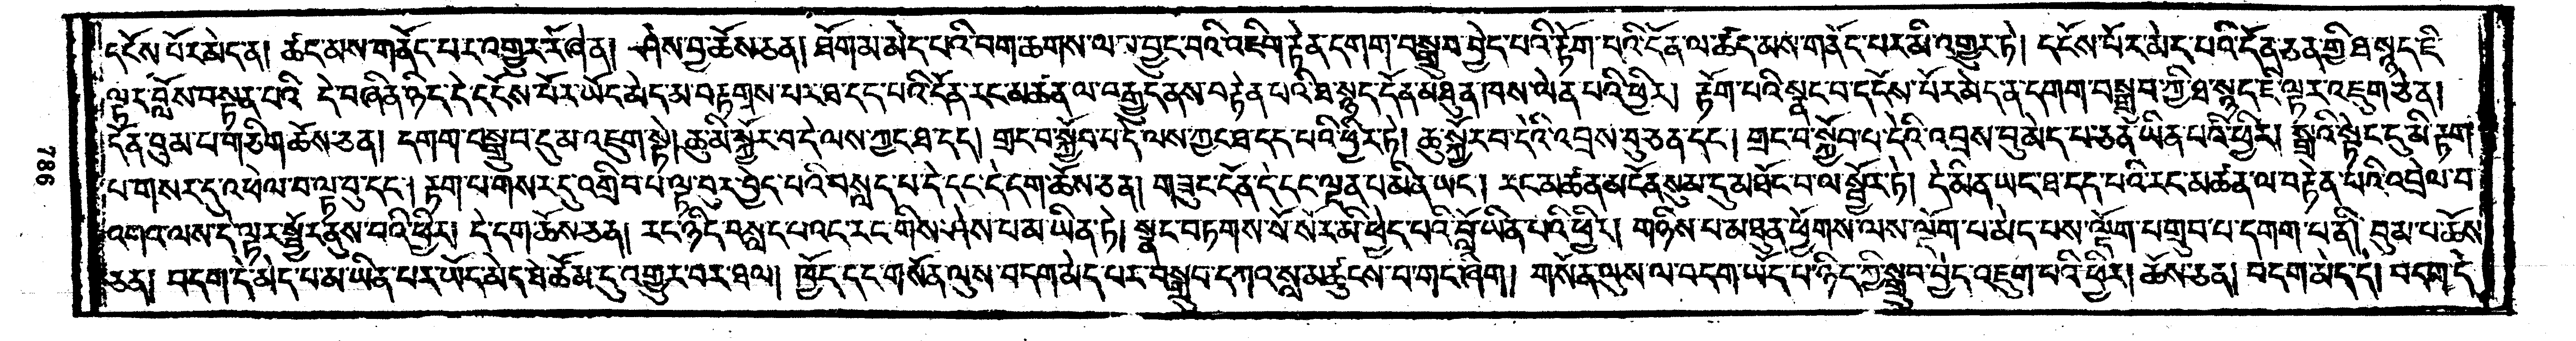དངོས་པོར་མེད་ན། ཚད་མས་གནོད་པར་འགྱུར་རོ་ཞེ་ན། ཤེས་བྱ་ཆོས་ཅན། ཐོག་མ་མེད་པའི་བག་ཆགས་ལས་བྱུང་བའི་འཇིག་རྟེན་དགག་བསྒྲུབ་བྱེད་པའི་རྟོག་པའི་དོན་ལ་ཚད་མས་གནོད་པར་མི་འགྱུར་ཏེ། དངོས་པོར་མེད་པའི་དོན་ཅན་གྱི་ཐ་སྙད་ཇི་
ལྟར་བློས་བསྟན་པའི་དེ་བཞིན་ཉིད་དེ་དངོས་པོར་ཡོད་མེད་མ་བརྟགས་པར་ཐ་དད་པའི་དོན་རང་མཚན་ལ་བརྒྱུད་ནས་བརྟེན་པའི་ཐ་སྙད་དོན་མཐུན་ཁས་ལེན་པའི་ཕྱིར། རྟོག་པའི་སྣང་པ་དངོས་པོར་མེད་ན་དགག་བསྒྲུབ་ཀྱི་ཐ་སྙད་ཇི་ལྟར་འཇུག་ཅེན།
དོན་བུམ་པ་གཅིག་ཆོས་ཅན། དགག་བསྒྲུབ་དུ་མ་འཇུག་སྟེ། ཆུ་མི་སྐྱོར་བ་དེ་ལས་ཀྱང་ཐ་དད། གྲང་བ་སྐྱོབ་པ་དེ་ལས་ཀྱང་ཐ་དད་པའི་ཕྱིར་ཏེ། ཆུ་སྐྱོར་བ་དེའི་འབྲས་བུ་ཅན་དང་། གྲང་བ་སྐྱོབ་པ་དེའི་འབྲས་བུ་མེད་པ་ཅན་ཡིན་པའི་ཕྱིར། སྒྲའི་སྟེང་དུ་མི་རྟག་
པ་གསར་དུ་འཕེལ་བ་ལྟ་བུ་དང་། རྟག་པ་གསར་དུ་འགྲིབ་པ་ལྟ་བུར་བྱེད་པའི་བསླད་པ་དེ་དང་དེ་དག་ཆོས་ཅན། གཟུང་དོན་དེ་དང་ལྡན་པ་མིན་ཡང་། རང་མཚན་མངོན་སུམ་དུ་མཐོང་བ་ལ་སྦྱོར་ཏེ། དེ་མིན་ཡང་ཐ་དད་པའི་རང་མཚན་ལ་བརྟེན་པའི་འབྲེལ་བ་
འགའ་ལས་དེ་ལྟར་སྦྱོར་ནུས་པའི་ཕྱིར། དེ་དག་ཆོས་ཅན། རང་ཉིད་བསླད་པའང་རང་གིས་ཤེས་པ་མ་ཡིན་ཏེ། སྣང་བཏགས་སོ་སོར་མི་ཕྱེད་པའི་བློ་ཡིན་པའི་ཕྱིར། གཉིས་པ་མཐུན་ཕྱོགས་ལས་ལྡོག་པ་མེད་པས་ལྡོག་པ་གྲུབ་པ་དགག་པ་ནི། བུམ་པ་ཆོས་
ཅན། བདག་དེ་མེད་པ་མ་ཡིན་པར་ཡོད་མེད་ཐེ་ཚོམ་དུ་འགྱུར་བར་ཐལ། ཁྱོད་དང་གསོན་ལུས་བདག་མེད་པར་བསྒྲུབ་དཀའ་སླ་མཚུངས་པ་གང་ཞིག། གསོན་ལུས་ལ་བདག་ཡོད་པ་ཉིད་ཀྱི་སྒྲུབ་བྱེད་འཇུག་པའི་ཕྱིར། ཆོས་ཅན། བདག་མེད་དེ། བདག་དེ་